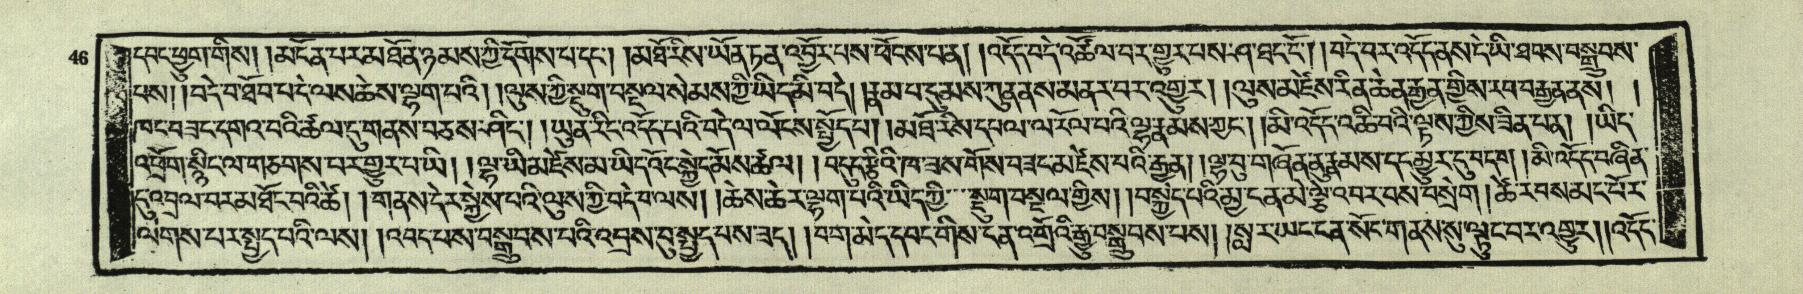དབང་ཕྱུག་གིས། །མངོན་པར་མཐོ་ན་ཉམས་ཀྱི་དོགས་པ་དང་། །མཐོ་རིས་ཡོན་ཏན་འབྱོར་པས་ཕོངས་པ་ན། །འདོད་བདེ་འཚོལ་བར་གྱུར་པས་ཤ་ཐང་ངོ། །བདེ་བར་འདོད་ནས་དེ་ཡི་ཐབས་བསྒྲུབས་
པས། །བདེ་བ་ཐོབ་པ་དེ་ལས་ཆེས་ལྷག་པའི། །ལུས་ཀྱི་སྡུག་བསྔལ་སེམས་ཀྱི་ཡིད་མི་བདེ། །རྣམ་པ་དུ་མས་ཀུན་ནས་མནར་བར་འགྱུར། །ལུས་མཛེས་རིན་ཆེན་རྒྱན་གྱིས་རབ་བརྒྱན་ནས། །
ཁང་བཟང་དགའ་བའི་ཚལ་དུ་གནས་བཅས་ཤིང་། །ཡུན་རིང་འདོད་པའི་བདེ་ལ་ལོངས་སྤྱོད་པ། །མཐོ་རིས་དཔལ་ལ་རོལ་པའི་ལྷ་རྣམས་ཀྱང་། །མི་འདོད་འཆི་བའི་ལྟས་ཀྱིས་ཟིན་པ་ན། །ཡིད་
འཕྲོག་སྙིང་ལ་གཅགས་པར་གྱུར་པ་ཡི། །ལྷ་ཡི་མཛེས་མ་ཡིད་འོང་སྐྱེད་མོས་ཚལ། །བདུད་རྩིའི་ཁ་ཟས་གོས་བཟང་མཛེས་པའི་རྒྱན། །ལྷ་བུ་གཞོན་ནུ་རྣམས་དང་མྱུར་དུ་བདག །མི་འདོད་བཞིན་
དུ་འབྲལ་བར་མཐོང་བའི་ཚེ། །གནས་དེར་སྐྱེས་པའི་ལུས་ཀྱི་བདེ་བ་ལས། །ཆེས་ཆེར་ལྷག་པའི་ཡིད་ཀྱི་སྡུག་བསྔལ་གྱིས། །བསྐྱེད་པའི་མྱ་ངན་མེ་ལྕེ་འབར་བས་བསྲེག །ཚེ་རབས་མང་པོར་
ལེགས་པར་སྤྱད་པའི་ལས། །འབད་པས་བསྒྲུབས་པའི་འབྲས་བུ་སྤྱད་པས་ཟད། །བག་མེད་དབང་གིས་ངན་འགྲོའི་རྒྱུ་བསྒྲུབས་པས། །སླར་ཡང་ངན་སོང་གནས་སུ་ལྟུང་བར་འགྱུར། །འདོད་